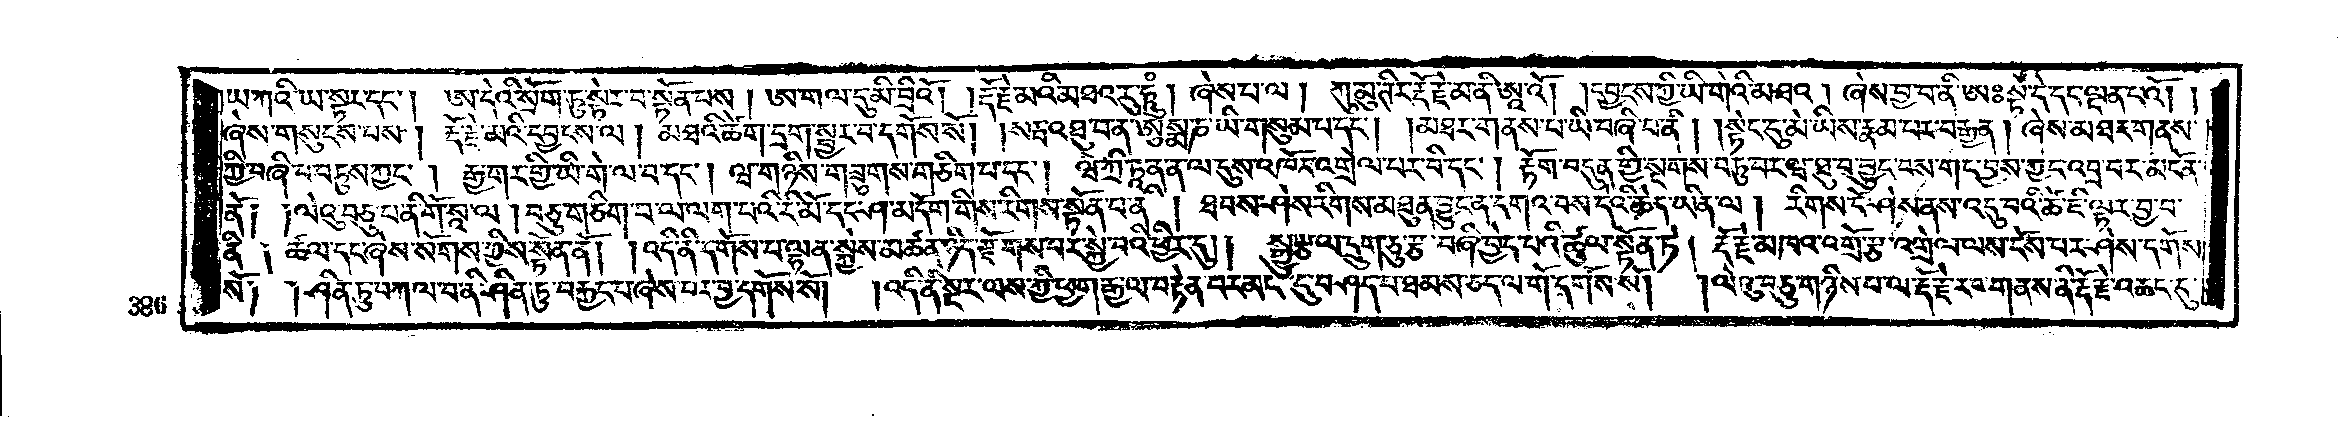ཡ་ཀའི་ཡ་སྟར་དང་། ཨ་དེའི་སྲོག་ཏུ་སྟེར་བ་སྟོན་པས། ཨ་གལ་དུ་མི་བྲིའོ། །རྡོ་རྗེ་མའི་མཐའ་རུ་ཧཱུཾ། ཞེས་པ་ལ། ཀུ་མུ་ཊིར་རྡོ་རྗེ་མ་ནི་ཨཱ་འོ། །དབྱངས་ཀྱི་ཡི་གེའི་མཐའ། ཞེས་བྱ་བ་ནི་ཨཿ སྟེ་དེ་དང་ལྡན་པའོ། །
ཞེས་གསུངས་པས། རྡོ་རྗེ་མའི་དབྱངས་ལ། མཐའི་ཚེག་?་དྲག་སྦྱར་བ་དགོས་སོ། །སརྦ་འཐུ་བ་ན་ཨུསྨ་ཎ་ཡི་གསུམ་པ་དང་། །མཐར་གནས་པ་ཡི་བཞི་པ་ནི། །སྟེང་དུ་མེ་ཡིས་རྣམ་པར་བརྒྱན། ཞེས་མཐར་གནས་
ཀྱི་བཞི་པ་བཏུས་ཀྱང་། རྒྱ་གར་གྱི་ཡི་གེ་ལ་བ་དང་། ཝ་གཉིས་གཟུགས་གཅིག་པ་དང་། ཝ་ཀྲི་ཏཱ་ན་ན་ལ་དུས་འཁོར་འགྲེལ་པར་བི་དང་། རྟོག་བདུན་གྱི་སྔགས་བཏུ་བར་ཝ་ཐུ་བ་བྱུང་བས་གང་བྱས་ཀྱང་འབྲ་བར་མངོན་
ནོ། །ལེའུ་བཅུ་པ་ནི་གོ་སཱ་ལ། བཅུ་གཅིག་པ་ལ་ལག་པའི་རི་མོ་དང་ཤ་མདོག་གིས་རིགས་སྟོན་པ་ནི། ཐབས་ཤེས་རིགས་མཐུན་བྱུང་ན་དགའ་བས་དེའི་ཆེད་ཡིན་ལ། རིགས་ངོ་ཤེས་ནས་འདུ་བའི་ཚེ་ཇི་ལྟར་བྱ་བ་
ནི། ཚལ་དང་ཞེས་སོགས་ཀྱིས་སྟོན་ནོ། །འདི་ནི་དགོས་པ་ལྷན་སྐྱེས་མཚན་ཉིད་རྫོགས་པར་སྐྱེ་བའི་ཕྱིར་དུ། སྒྱུ་རྩལ་དྲུག་ཅུ་རྩ་བཞི་བྱེད་པའི་ཚུལ་སྟོན་ཏེ། རྡོ་རྗེ་མཁའ་འགྲོ་རྩ་འགྲེལ་ལས་ངོས་པར་ཤེས་དགོས་
སོ། །ཤིན་ཏུ་བཀལ་བ་ནི་ཤིན་ཏུ་བརྐྱང་པ་ཞེས་པར་བྱ་དགོས་སོ། །འདི་ནི་སྔར་ལས་ཀྱི་ཕྱག་རྒྱ་ལ་བརྟེན་པར་མང་དུ་བཤད་པ་ཐམས་ཅད་ལ་གོ་དགོས་སོ། །ལེའུ་བཅུ་གཉིས་པ་ལ་རྡོ་རྗེ་རབ་གནས་ནི་རྡོ་རྗེ་འཆང་དུ་